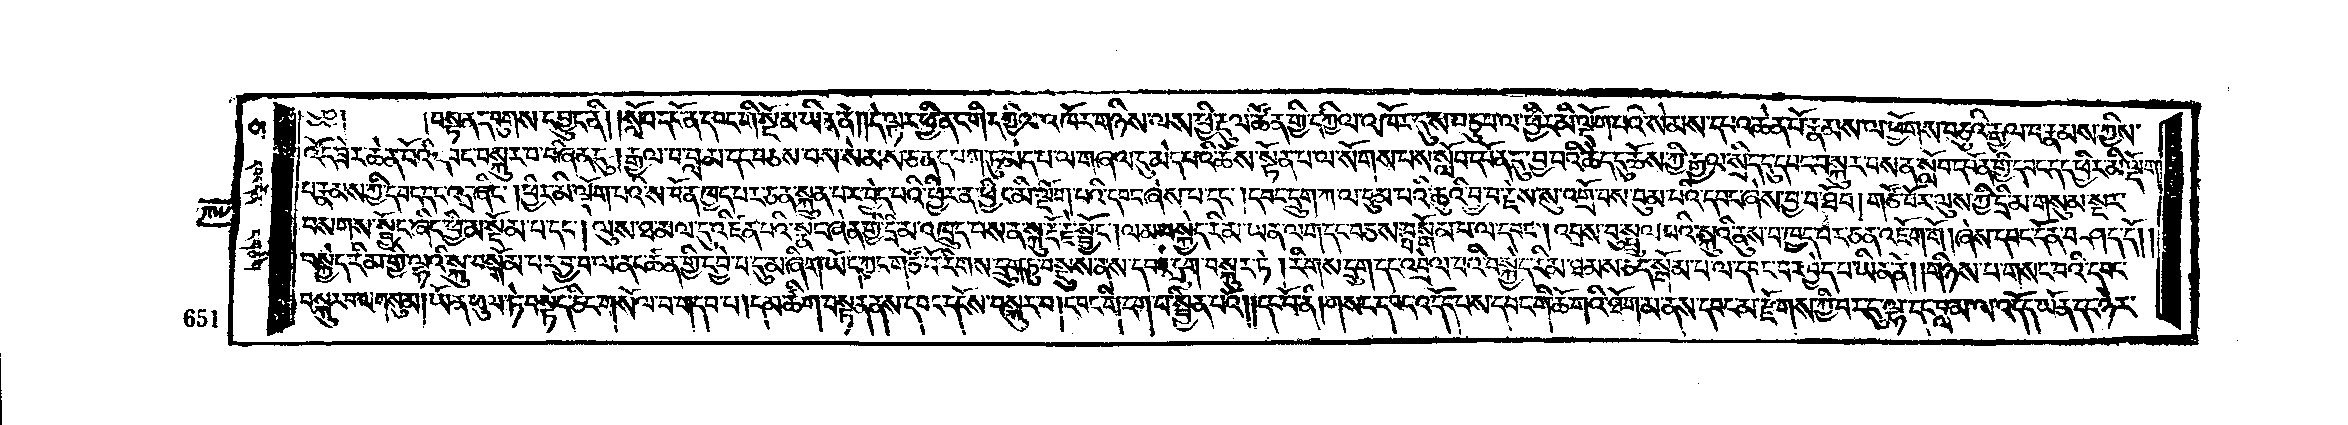༄༅། །བསྟན་དབུགས་དབྱུང་ནི། །སློབ་དཔོན་དབང་གི་སྡོམ་ཡིན་ནོ། །དེ་ལྟར་ཕྱི་ནང་གི་དཀྱིལ་འཁོར་གཉིས་ལས་ཕྱི་རྡུལ་ཚོན་གྱི་དཀྱིལ་འཁོར་དུ་ས་བཅུ་པ་ལ་ཕྱིར་མི་ལྡོག་པའི་སེམས་དཔའ་ཆེན་པོ་རྣམས་ལ་ཕྱོགས་བཅུའི་རྒྱལ་བ་རྣམས་ཀྱིས་
འོད་ཟེར་ཆེན་པོའི་དབང་བསྐུར་བ་བཞིན་དུ། རྒྱལ་བ་བླ་མ་དང་བཅས་པས་སེམས་ཅན་དཔག་ཏུ་མེད་པ་ལ་གཞལ་དུ་མེད་པའི་ཆོས་སྟོན་པ་ལ་སོགས་པས་སློབ་དཔོན་དུ་བྱ་བའི་ཆེད་དུ་ཆོས་ཀྱི་རྒྱལ་སྲིད་དུ་དབང་བསྐུར་བས་ན་སློབ་དཔོན་གྱི་དབང་དང་ཕྱིར་མི་ལྡོག་
པ་རྣམས་ཀྱི་དབང་དང་འདྲ་ཞིང་། ཕྱིར་མི་ལྡོག་པའི་ས་བོན་ཁྱད་པར་ཅན་སྐྲུན་པར་བྱེད་པའི་ཕྱིར་ན་ཕྱིར་མི་ལྡོག་པའི་དབང་ཞེས་པ་དང་། དབང་དྲུག་ཀ་ལ་བུམ་པའི་ཆུའི་བྱ་བ་རྗེས་སུ་འགྲོ་བས་བུམ་པའི་དབང་ཞེས་བྱ་བ་ཐོབ། གཙོ་བོར་ལུས་ཀྱི་དྲི་མ་གསུམ་སྔར་
བསགས་སྦྱོང་ཞིང་ཕྱི་མ་སྡོམ་པ་དང་། ལུས་ཐ་མལ་དུ་འཛིན་པའི་སྣང་ཞེན་གྱི་དྲི་མ་འཁྲུད་པས་ན་སྐུ་རྡོ་རྗེ་སྦྱོང་། ལམ་བསྐྱེད་རིམ་ཡན་ལག་དང་བཅས་པ་བསྒོམ་པ་ལ་དབང་། འབྲས་བུ་སྤྲུལ་པའི་སྐུའི་ནུས་པ་ཁྱད་པར་ཅན་འཇོག་གོ །ཞེས་དབང་དོན་བཤད་དོ། །
བསྐྱེད་རིམ་གྱི་ལྷའི་སྐུ་བསྒོམ་པར་བྱ་བ་ལ་ནང་ཚན་གྱི་དབྱེ་བ་དུ་མ་ཞིག་ཡོད་ཀྱང་གཙོ་བོ་རིགས་དྲུག་ཏུ་བསྡུས་ནས་དབང་དྲུག་བསྐུར་ཏེ། རིགས་དྲུག་དང་འབྲེལ་བའི་བསྐྱེད་རིམ་ཐམས་ཅད་སྒོམ་པ་ལ་དབང་བར་བྱེད་པ་ཡིན་ནོ། །གཉིས་པ་གསང་བའི་དབང་
བསྐུར་བ་ལ་གསུམ། ཡོན་ཕུལ་ཏེ་བསྟོད་ཅིང་གསོལ་བ་གདབ་པ། དམ་ཚིག་བསྟན་ནས་དབང་དངོས་བསྐུར་བ། དབང་གི་དག་པ་སྦྱིན་པའོ། །དང་པོ་ནི། གསང་དབང་འདོད་པས་དབང་གི་ཆོ་གའི་ཐོག་མ་ནས་དབང་མ་རྫོགས་ཀྱི་བར་དུ་ལྷ་དང་བླ་མ་ལ་འདོད་ཡོན་དང་ཉེར་